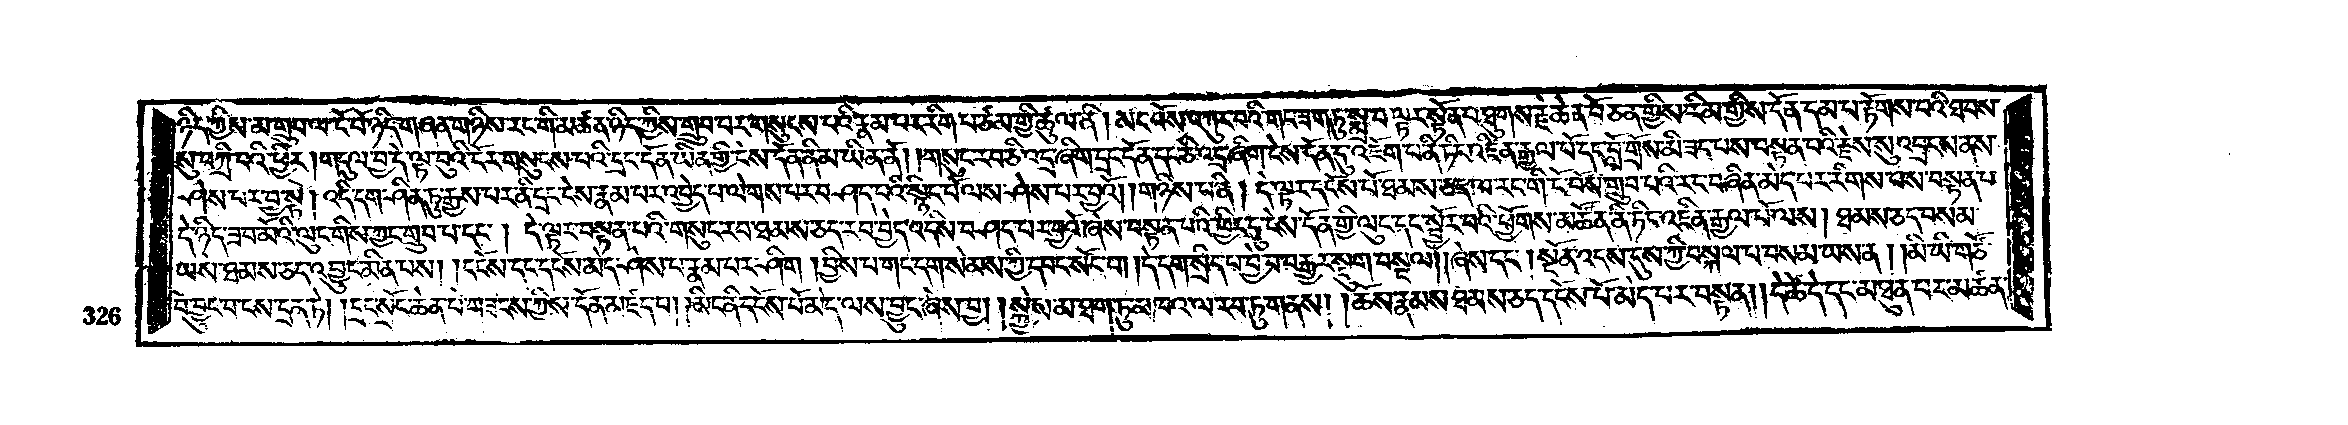ཉིད་ཀྱིས་མ་གྲུབ་ལ་ངོ་བོ་ཉིད་གཞན་གཉིས་རང་གི་མཚན་ཉིད་ཀྱིས་གྲུབ་པར་གསུངས་པའི་རྣམ་པར་རིག་པ་ཙམ་གྱི་ཚུལ་ནི། མང་བོས་བཀུར་བའི་གང་ཟག་ཏུ་སྨྲ་བ་ལྟར་སྟོན་པ་ཐུགས་རྗེ་ཆེན་པོ་ཅན་གྱིས་རིམ་གྱིས་དོན་དམ་པ་རྟོགས་པའི་ཐབས་
སུ་བཀྲི་བའི་ཕྱིར། གདུལ་བྱ་དེ་ལྟ་བུའི་ངོར་གསུངས་པའི་དྲང་དོན་ཡིན་གྱི་ངེས་དོན་ནི་མ་ཡིན་ནོ། །གསུང་རབ་ཅི་འདྲ་ཞིག་དྲང་དོན་དང་ཅི་འདྲ་ཞིག་ངེས་དོན་དུ་འཇོག་པ་ནི་ཏིང་འཛིན་རྒྱལ་པོ་དང་བློ་གྲོས་མི་ཟད་པས་བསྟན་པའི་རྗེས་སུ་འབྲངས་ནས་
ཤེས་པར་བྱ་སྟེ། འདི་དག་ཤིན་ཏུ་རྒྱས་པར་ནི་དྲང་ངེས་རྣམ་པར་འབྱེད་པ་ལེགས་པར་བཤད་པའི་སྙིང་པོ་ལས་ཤེས་པར་བྱའོ། །གཉིས་པ་ནི། དེ་ལྟར་དངོས་པོ་ཐམས་ཅད་ལ་རང་གི་ངོ་བོས་གྲུབ་པའི་རང་བཞིན་མེད་པར་རིགས་པས་བསྟན་པ་
དེ་ཉིད་ཟབ་མེའི་ལུང་གིས་ཀྱང་གྲུབ་པ་དང་། དེ་ལྟར་བསྟན་པའི་གསུང་རབ་ཐམས་ཅད་རབ་བྱེད་འདིས་བཤད་པར་བྱའོ་ཞེས་བསྟན་པའི་ཕྱིར་དུ་ངེས་དོན་གྱི་ལུང་དང་སྦྱོར་བའི་ཕྱོགས་མཚོན་ནི་ཏིང་འཛིན་རྒྱལ་པོ་ལས། ཐམས་ཅད་བསམ་
ཡས་ཐམས་ཅད་འབྱུང་མིན་པས། །དངོས་དང་དངོས་མེད་ཤེས་པ་རྣམ་པར་ཤིག །བྱིས་པ་གང་དག་སེམས་ཀྱི་དབང་སོང་བ། །དེ་དག་སྲིད་པ་བྱེ་བ་བརྒྱར་སྡུག་བསྔལ། །ཞེས་དང་། སྔོན་འདས་དུས་ཀྱི་བསྐལ་བ་བསམ་ཡས་ན། །མི་ཡི་གཙོ་
བ་བྱུང་བ་ངས་དྲན་ཏེ། །དྲང་སྲོང་ཆེན་པོ་གཟངས་ཀྱིས་དོན་མཛད་པ། །མིང་ནི་དངོས་པོ་མེད་ལས་བྱུང་ཞེས་བྱ། །སྐྱེས་མ་ཐག་ཏུ་མཁའ་ལ་རབ་ཏུ་གནས། །ཆོས་རྣམས་ཐམས་ཅད་དངོས་པོ་མེད་པར་བསྟན། །དེ་ཚེ་དེ་དང་མཐུན་པར་མཚན་